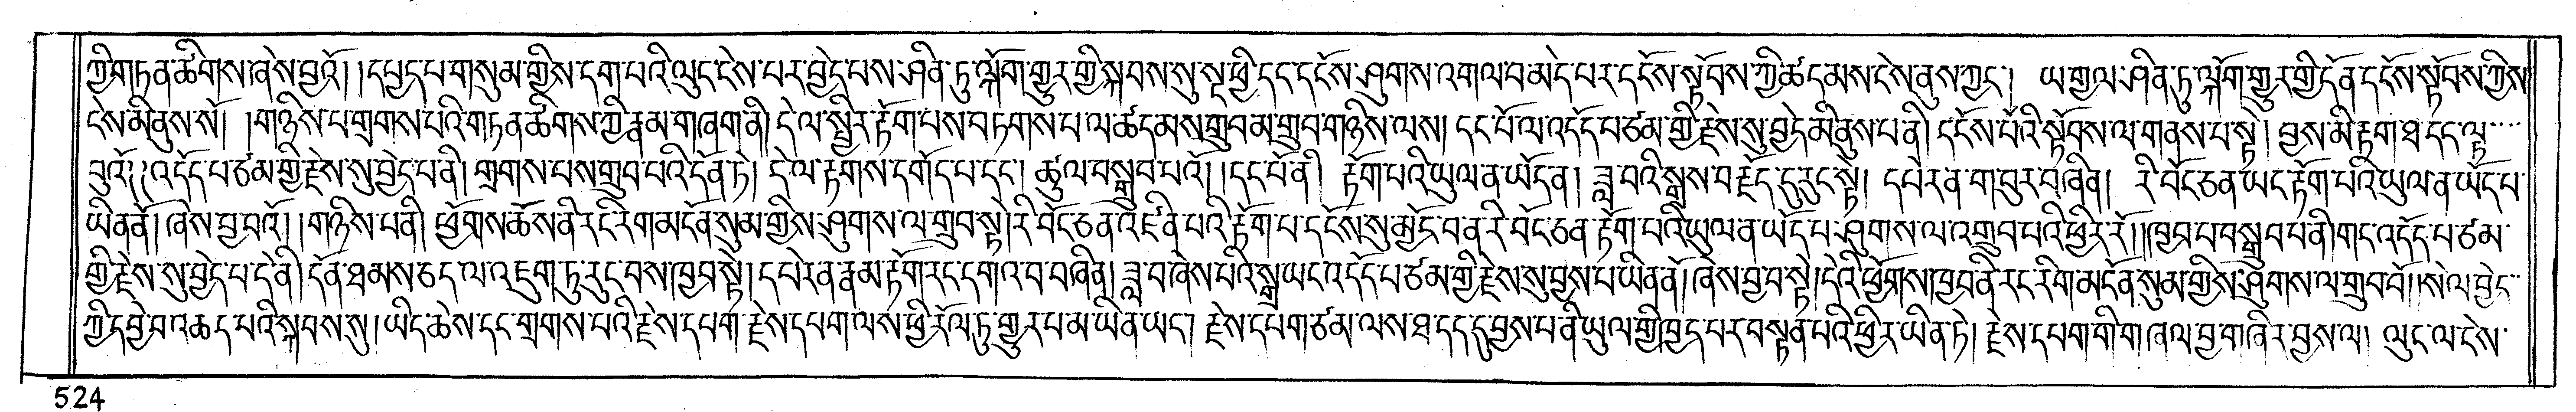ཀྱི་གཏན་ཚིགས་ཞེས་བྱའོ། །དཔྱད་པ་གསུམ་གྱིས་དག་པའི་ལུང་ངེས་པར་བྱེད་པས་ཤིན་ཏུ་ལྐོག་གྱུར་གྱི་སྐབས་སུ་སྔ་ཕྱི་དང་དངོས་ཤུགས་འགལ་བ་མེད་པར་དངོས་སྟོབས་ཀྱི་ཚད་མས་ངེས་ནུས་ཀྱང་། ཡ་གྱལ་ཤིན་ཏུ་ལྐོག་གྱུར་གྱི་དོན་དངོས་སྟོབས་ཀྱིས་
ངེས་མི་ནུས་སོ། །གཉིས་པ་གྲགས་པའི་གཏན་ཚིགས་ཀྱི་རྣམ་གཞག་ནི། དེ་ལ་སྤྱིར་རྟོག་པས་བཏགས་པ་ལ་ཚད་མས་གྲུབ་མ་གྲུབ་གཉིས་ལས། དང་པོ་ལ་འདོད་པ་ཙམ་གྱི་རྗེས་སུ་བྱེད་མི་ནུས་པ་ནི། དངོས་པོའི་སྟོབས་ལ་གནས་པ་སྟེ། བྱས་མི་རྟག་ཐ་དད་ལྟ་
བུའོ༑ ༑འདོད་པ་ཙམ་གྱི་རྗེས་སུ་བྱེད་པ་ནི། གྲགས་པས་གྲུབ་པའི་དོན་ཏེ། དེ་ལ་རྟགས་དགོད་པ་དང་། ཚུལ་བསྒྲུབ་པའོ། །དང་པོ་ནི། རྟོག་པའི་ཡུལ་ན་ཡོད་ན། ཟླ་བའི་སྒྲས་བརྗོད་དུ་རང་སྟེ། དཔེར་ན་ག་བུར་བཞིན། རི་བོང་ཅན་ཡང་རྟོག་པའི་ཡུལ་ན་ཡོད་པ་
ཡིན་ནོ། ཞེས་བྱ་བའོ། །གཉིས་པ་ནི། ཕྱོགས་ཆོས་ནི་རང་རིག་མངོན་སུམ་གྱིས་ཤུགས་ལ་གྲུབ་སྟེ། རི་བོང་ཅན་འཛིན་པའི་རྟོག་པ་དངོས་སུ་མྱོང་བ་ན་རི་བོང་ཅན་རྟོག་པའི་ཡུལ་ན་ཡོད་པ་ཤུགས་ལ་འགྲུབ་པའི་ཕྱིར་རོ། །ཁྱབ་པ་བསྒྲུབ་པ་ནི། གང་འདོད་པ་ཙམ་
གྱི་རྗེས་སུ་བྱེད་པ་དེ་ནི། དོན་ཐམས་ཅད་ལ་འཇུག་ཏུ་རུང་བས་ཁྱབ་སྟེ། དཔེར་ན་རྣམ་རྟོག་རང་དགའ་བ་བཞིན། ཟླ་བ་ཞེས་པའི་སྒྲ་ཡང་འདོད་པ་ཙམ་གྱི་རྗེས་སུ་བྱས་པ་ཡིན་ནོ། ཞེས་བྱ་བ་སྟེ། དེའི་ཕྱོགས་ཁྱབ་ནི་རང་རིག་མངོན་སུམ་གྱིས་ཤུགས་ལ་གྲུབ་བོ། །སེལ་བྱེད་
ཀྱི་དབྱེ་བ་འཆད་པའི་སྐབས་སུ། ཡིད་ཆེས་དང་གྲགས་པའི་རྗེས་དཔག་རྗེས་དཔག་ལས་ཕྱི་རོལ་ཏུ་གྱུར་པ་མ་ཡིན་ཡང་། རྗེས་དཔག་ཙམ་ལས་ཐ་དད་དུ་བྱས་པ་ནི་ཡུལ་གྱི་ཁྱད་པར་བསྟན་པའི་ཕྱིར་ཡིན་ཏེ། རྗེས་དཔག་གི་གཞལ་བྱ་གཞིར་བྱས་ལ། ལུང་ལ་ངེས་